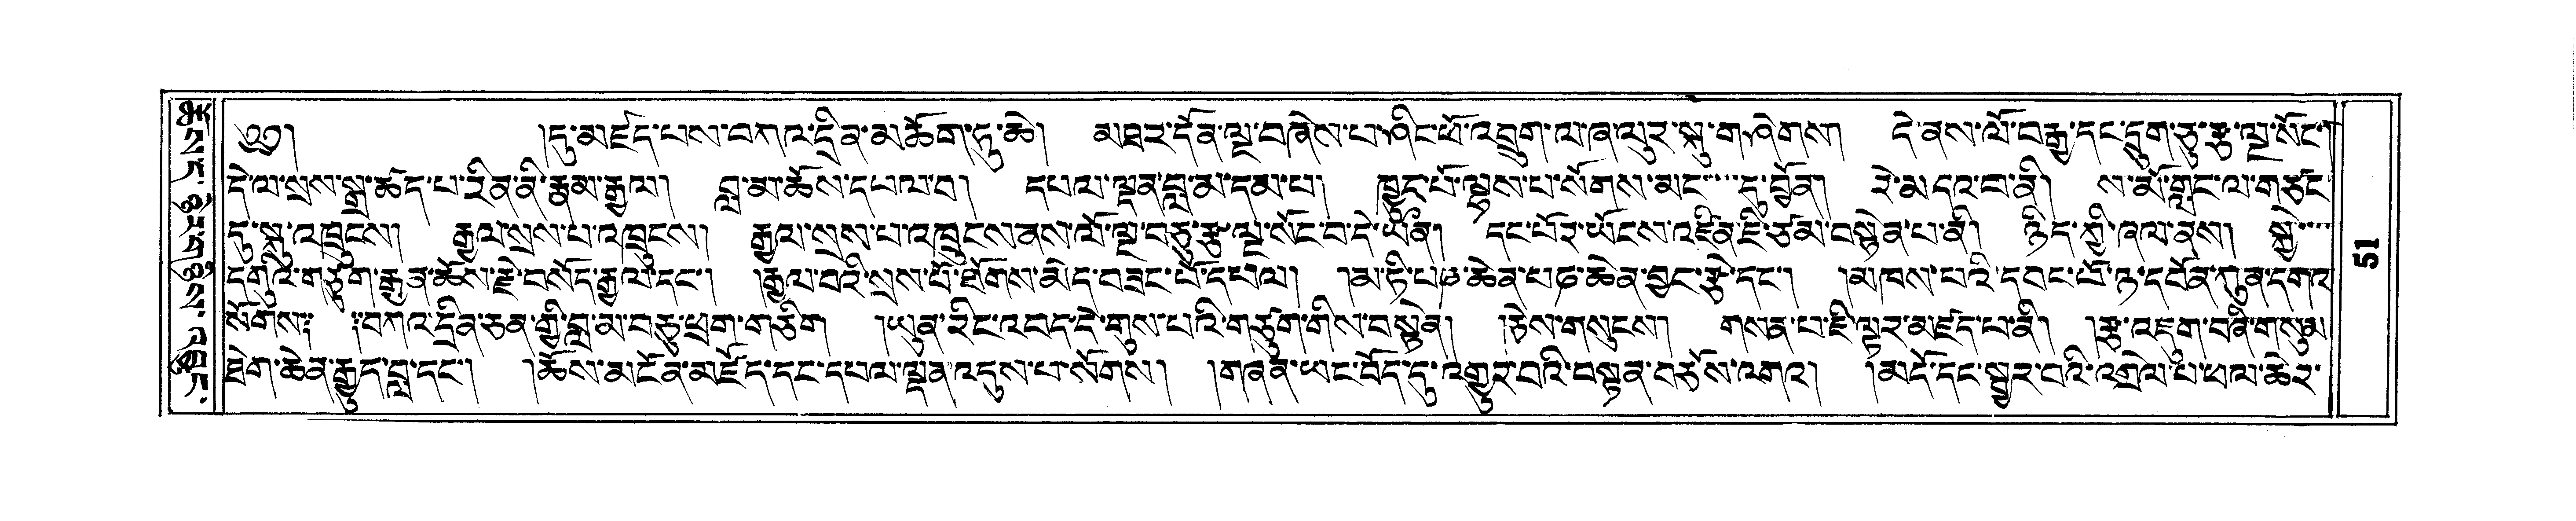༄༅། །དུ་མཛད་པས་བཀའ་དྲིན་མཆོག་ཏུ་ཆེ། མཐར་དོན་ལྔ་བཞེས་པ་ཤིང་ཕོ་འབྲུག་ལ་ཞ་ལུར་སྐུ་གཤེགས། དེ་ནས་ལོ་བརྒྱ་དང་དྲུག་ཅུ་རྩ་ལྔ་སོང་
དེ་ལ་སྲས་སྒྲ་ཚད་པ་རིན་ནི་རྣམ་རྒྱལ། བླ་མ་ཆོས་དཔལ་བ། དཔལ་ལྡན་བླ་མ་དམ་པ། ཁྱུང་པོ་ལྷས་པ་སོགས་མང་དུ་བྱོན། རེ་མདའ་བ་ནི། ས་མོ་གླང་ལ་གཙང་
དུ་སྐུ་འཁྲུངས། རྒྱལ་སྲས་པ་འཁྲུངས། རྒྱལ་སྲས་པ་འཁྲུངས་ནས་ལོ་ལྔ་བཅུ་རྩ་ལྔ་སོང་བ་དེ་ཡིན། དང་པོར་ཡོངས་འཛིན་ཇི་ཙམ་བསྟེན་པ་ནི། ཉིད་ཀྱི་ཞལ་ནས། སྐྱེ་
དགུའི་གཙུག་རྒྱན་ཆོས་རྗེ་བསོད་རྒྱལ་དང་། །རྒྱལ་བའི་སྲས་པོ་ཐོགས་མེད་བཟང་པོ་དཔལ། །མ་ཏི་པཎ་ཆེན་པཎ་ཆེན་བྱང་རྩེ་དང་། །མཁས་པའི་དབང་པོ་ཉ་དབོན་ཀུན་དགའ་
སོགས༑ ༑བཀའ་དྲིན་ཅན་གྱི་བླ་མ་བཅུ་ཕྲག་གཅིག །ཡུན་རིང་འབད་དེ་གུས་པའི་གཙུག་གིས་བསྟེན། །ཅེས་གསུངས། གསན་པ་ཇི་ལྟར་མཛད་པ་ནི། །རྩ་འཇུག་བཞི་གསུམ་
ཐེག་ཆེན་རྒྱུད་བླ་དང་། །ཆོས་མངོན་མཛོད་དང་དཔལ་ལྡན་འདུས་པ་སོགས། །གཞན་ཡང་བོད་དུ་འགྱུར་བའི་བསྟན་བཅོས་འགའ། །མདོ་དང་སྦྱར་བའི་འགྲེལ་པ་ཕལ་ཆེར་